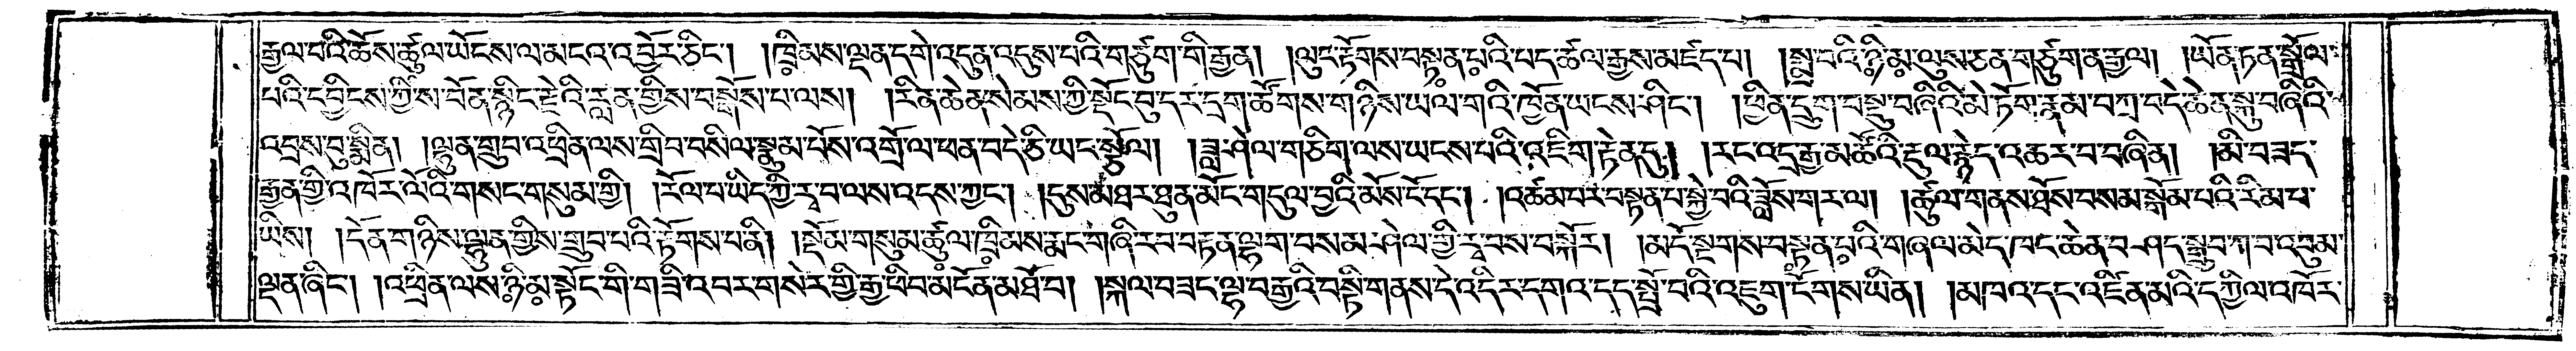རྒྱལ་བའི་ཆོས་ཚུལ་ཡོངས་ལ་མངའ་འབྱོར་ཅིང་། །ཁྲིམས་ལྡན་དགེ་འདུན་འདུས་པའི་གཙུག་གི་རྒྱན། །ལུང་རྟོགས་བསྟན་པའི་པད་ཚལ་རྒྱས་མཛད་པ། །སྨྲ་བའི་ཉི་མ་ལུས་ཅན་གཙུག་ན་རྒྱལ། །ཡོན་ཏན་སྒྲོལ་
བའི་དབྱིངས་ཀྱི་ས་བོན་སྙིང་རྗེའི་རླན་གྱིས་བསྒོས་པ་ལས། །རིན་ཆེན་སེམས་ཀྱི་སྡོང་བུ་དར་དྲག་ཚོགས་གཉིས་ཡལ་གའི་ཁྱོན་ཡངས་ཤིང་། །ཕྱིན་དྲུག་བསྡུ་བཞིའི་མེ་ཏོག་རྣམ་བཀྲ་བདེ་ཆེན་སྐུ་བཞིའི་
འབྲས་བུ་སྨིན། །ལྷུན་གྲུབ་འཕྲིན་ལས་གྲིབ་བསིལ་སྣུམ་པོས་འགྲོ་ལ་ཕན་བདེ་ཅི་ཡང་སྩོལ། །ཟླ་ཤེལ་གཅིག་ལས་ཡངས་པའི་འཇིག་རྟེན་དུ། །རང་འདྲ་རྒྱ་མཚོའི་རྡུལ་རྙེད་འཆར་བ་བཞིན། །མི་བཟད་
རྒྱུན་གྱི་འཁོར་ལོའི་གསང་གསུམ་གྱི། །རོལ་བ་ཡིད་ཀྱི་རྭ་བ་ལས་འདས་ཀྱང་། །དུས་མཐར་ཐུན་མོང་གདུལ་བྱའི་མོས་ངོ་དང་། །འཚམ་བར་བསྟན་པ་སྐྱེ་བའི་ཟློས་གར་ལ། །ཚུལ་གནས་ཐོས་བསམ་སྒོམ་པའི་རིམ་པ་
ཡིས། །དོན་གཉིས་ལྷུན་གྱིས་གྲུབ་པའི་རྟོགས་པ་ནི། །སྡོམ་གསུམ་ཚུལ་ཁྲིམས་རྨང་གཞི་རབ་བརྟན་ལྷག་བསམ་ཤེལ་གྱི་རྭ་བས་བསྐོར། །མདོ་སྔགས་བསྟན་བའི་གཞལ་མེད་ཁང་ཆེན་བཤད་སྒྲུབ་ཀ་བ་འབུམ་
ལྡན་ཞིང་། །འཕྲིན་ལས་ཉི་མ་སྟོང་གི་གཟི་འབར་གསེར་གྱི་རྒྱ་ཕིབ་མངོན་མཐོ་བ། །སྐལ་བཟང་ལྷ་བརྒྱའི་བསྡི་གནས་དེ་འདིར་དགའ་དད་སྤྲོ་བའི་འཇུག་ངོགས་ཡིན། །མཁའ་དང་འཛིན་མའི་དཀྱིལ་འཁོར་